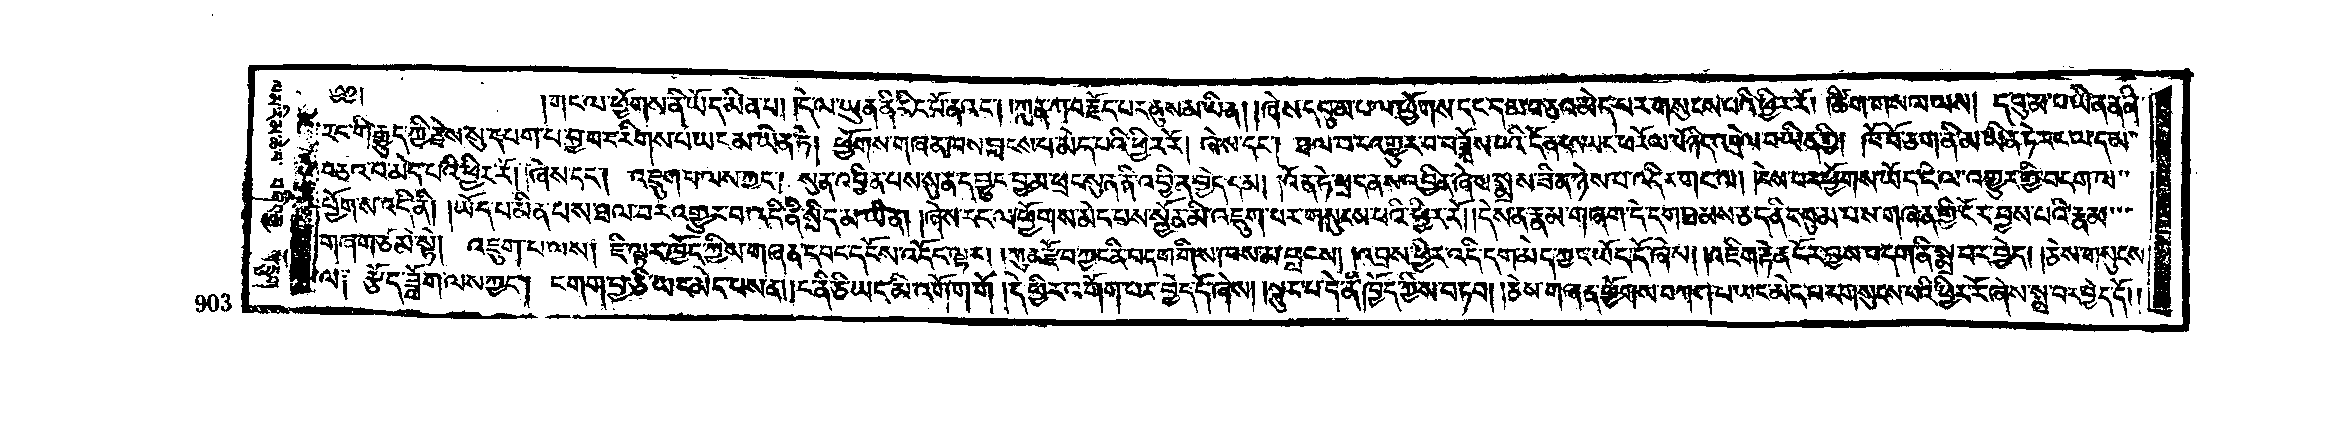༄༅། །གང་ལ་ཕྱོགས་ནི་ཡོད་མིན་པ། །དེ་ལ་ཡུན་ནི་རིང་པོ་ནའང་། །ཀླན་ཀ་བརྗོད་པར་ནུས་མ་ཡིན། །ཞེས་དབུ་མ་པ་ལ་ཕྱོགས་དང་དམ་བཅའ་མེད་པར་གསུངས་པའི་ཕྱིར་རོ། །ཚིག་གསལ་ལས། དབུ་མ་པ་ཡིན་ན་ནི་
རང་གི་རྒྱུད་ཀྱི་རྗེས་སུ་དཔག་པ་བྱ་བར་རིགས་པ་ཡང་མ་ཡིན་ཏེ། ཕྱོགས་གཞན་ཁས་བླངས་པ་མེད་པའི་ཕྱིར་རོ། །ཞེས་དང་། ཐལ་བར་འགྱུར་བ་བཟློག་པའི་དོན་དང་ཡང་ཕ་རོལ་པོ་ཉིད་འབྲེལ་བ་ཡིན་གྱི། ཁོ་བོ་ཅག་ནི་མ་ཡིན་ཏེ་རང་ལ་དམ་
བཅའ་བ་མེད་པའི་ཕྱིར་རོ། །ཞེས་དང་། འཇུག་པ་ལས་ཀྱང་། སུན་འབྱིན་པས་སུན་དབྱུང་བྱ་མ་ཕྲད་སུན་ནི་འབྱིན་བྱེད་དམ། །འོན་ཏེ་ཕྲད་ནས་འབྱིན་ཞེས་སྨྲས་ཟིན་ཉེས་པ་འདིར་གང་ལ། །ངེས་པར་ཕྱོགས་ཡོད་དེ་ལ་འགྱུར་གྱི་བདག་ལ་
ཕྱོགས་འདི་ནི། །ཡོད་པ་མིན་པས་ཐལ་བར་འགྱུར་བ་འདི་ནི་སྲིད་མ་ཡིན། །ཞེས་རང་ལ་ཕྱོགས་མེད་པས་སྐྱོན་མི་འཇུག་པར་གསུངས་པའི་ཕྱིར་རོ། །དེས་ན་རྣམ་གཞག་དེ་དག་ཐམས་ཅད་ནི་དབུ་མ་པས་གཞན་གྱི་ངོར་བྱས་པའི་རྣམ་
གཞག་ཙམ་སྟེ། འཇུག་པ་ལས། ཇི་ལྟར་ཁྱོད་ཀྱིས་གཞན་དབང་དངོས་འདོད་ལྟར། །ཀུན་རྫོབ་ཀྱང་ནི་བདག་གིས་ཁས་མ་བླངས། །འབྲས་ཕྱིར་འདི་དག་མེད་ཀྱང་ཡོད་དོ་ཞེས། །འཇིག་རྟེན་ངོར་བྱས་བདག་ནི་སྨྲ་བར་བྱེད། །ཅེས་གསུངས་
ལ༑ རྩོད་ཟློག་ལས་ཀྱང་། དགག་བྱ་ཅི་ཡང་མེད་པས་ན། །ང་ནི་ཅི་ཡང་མི་འགོག་གོ། །དེ་ཕྱིར་འགོག་པར་བྱེད་དོ་ཞེས། །སྐུར་པ་དེ་ནི་ཁྱོད་ཀྱིས་བཏབ། །ཅེས་གཞན་ཕྱོགས་བཀག་པ་ཡང་མེད་པར་གསུངས་པའི་ཕྱིར་རོ་ཞེས་སྨྲ་བར་བྱེད་དོ། །